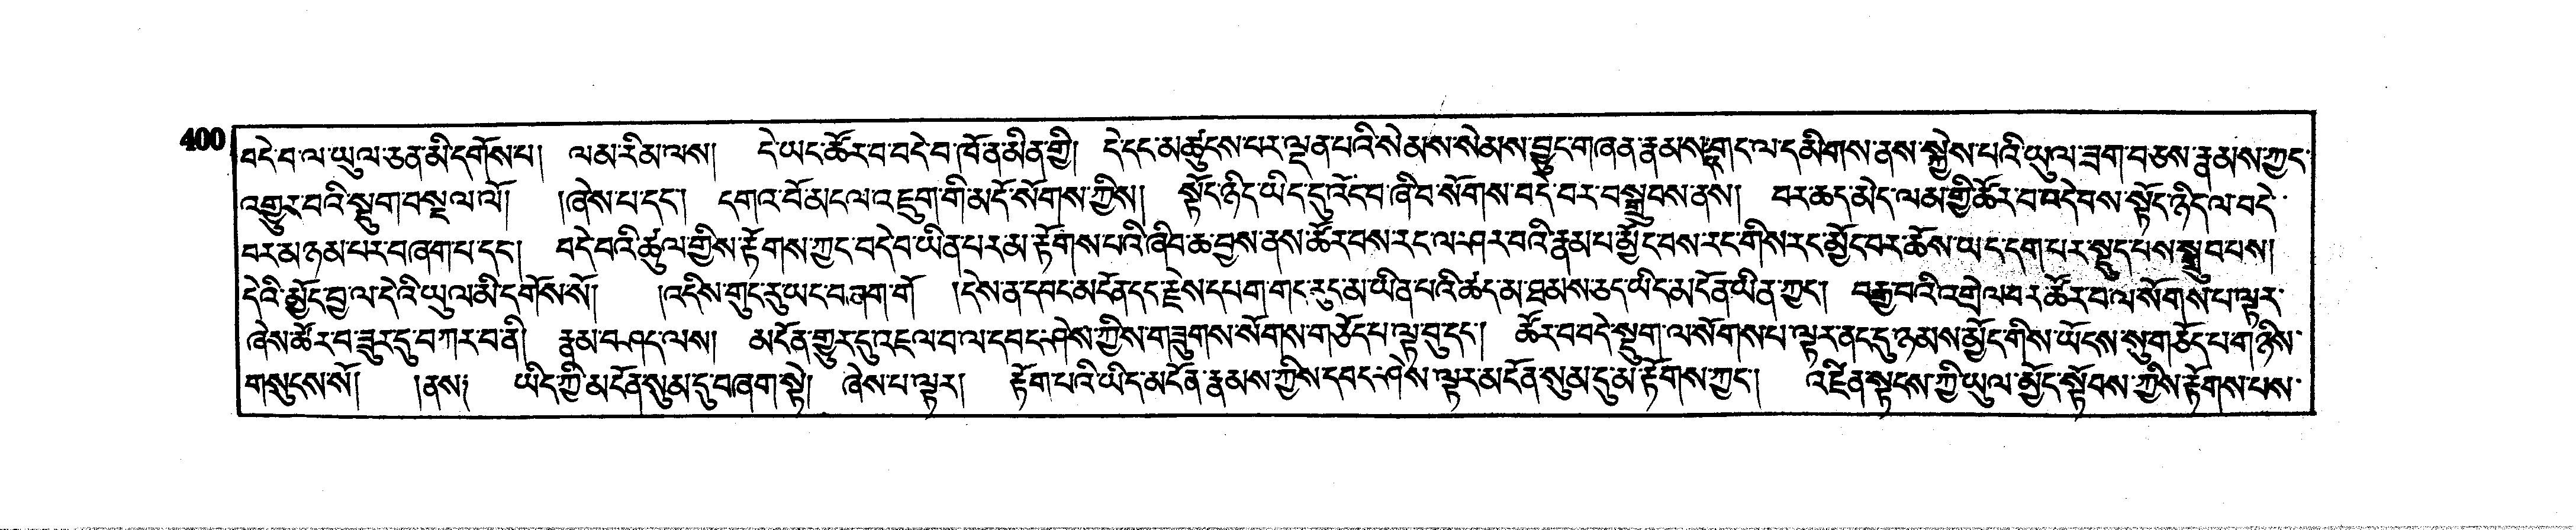བདེ་བ་ལ་ཡུལ་ཅན་མི་དགོས་པ། ལམ་རིམ་ལས། དེ་ཡང་ཚོར་བ་བདེ་བ་ཁོ་ན་མིན་གྱི། དེ་དང་མཚུངས་པར་ལྡན་པའི་སེམས་སེམས་བྱུང་གཞན་རྣམས་དང་གང་ལ་དམིགས་ནས་སྐྱེས་པའི་ཡུལ་ཟག་བཅས་རྣམས་ཀྱང་
འགྱུར་བའི་སྡུག་བསྔལ་ལོ། །ཞེས་པ་དང་། དགའ་བོ་མངལ་འཇུག་གི་མདོ་སོགས་ཀྱིས། སྟོང་ཉིད་ཡིད་དུ་འོང་བ་ཞི་བ་སོགས་བདེ་བར་བསྒྲུབས་ནས། བར་ཆད་མེད་ལམ་གྱི་ཚོར་བ་འདེ་བས་སྟོང་ཉིད་ལ་བདེ་
བར་མཉམ་པར་བཞག་པ་དང་། བདེ་བའི་ཚུལ་གྱིས་རྟོགས་ཀྱང་བདེ་བ་ཡིན་པར་མ་རྟོགས་པའི་ཞིབ་ཆ་བྱས་ནས་ཚོར་བས་རང་ལ་ཤར་བའི་རྣམ་པ་མྱོང་བས་རང་གིས་རང་མྱོང་བར་ཆོས་ཡང་དག་པར་སྡུད་པས་སྒྲུབ་པས།
དེའི་མྱོང་བྱ་ལ་དེའི་ཡུལ་མི་དགོས་སོ། །འདིས་གུང་རུ་ཡང་བཞག་གོ །དེས་ན་དབང་མངོན་དང་རྗེས་དཔག་གང་རུང་མ་ཡིན་པའི་ཚད་མ་ཐམས་ཅད་ཡིད་མངོན་ཡིན་ཀྱང་། བརྒྱ་བའི་འགྲེལ་བར་ཚོར་བ་ལ་སོགས་པ་ལྟར་
ཞེས་ཚོར་བ་ཟུར་དུ་བཀར་བ་ནི། རྣམ་བཤད་ལས། མངོན་གྱུར་དུ་འཇལ་བ་ལ་དབང་ཤེས་ཀྱིས་གཟུགས་སོགས་གཅོད་པ་ལྟ་བུ་དང་། ཚོར་བ་བདེ་སྡུག་ལ་སོགས་པ་ལྟར་ནང་དུ་ཉམས་མྱོང་གིས་ཡོངས་སུ་གཅོད་པ་གཉིས་
གསུངས་སོ། །ནས། ཡིད་ཀྱི་མངོན་སུམ་དུ་བཞག་སྟེ། ཞེས་པ་ལྟར། རྟོག་པའི་ཡིད་མངོན་རྣམས་ཀྱིས་དབང་ཤེས་ལྟར་མངོན་སུམ་དུ་མ་རྟོགས་ཀྱང་། འཛིན་སྟངས་ཀྱི་ཡུལ་མྱོང་སྟོབས་ཀྱིས་རྟོགས་པས་